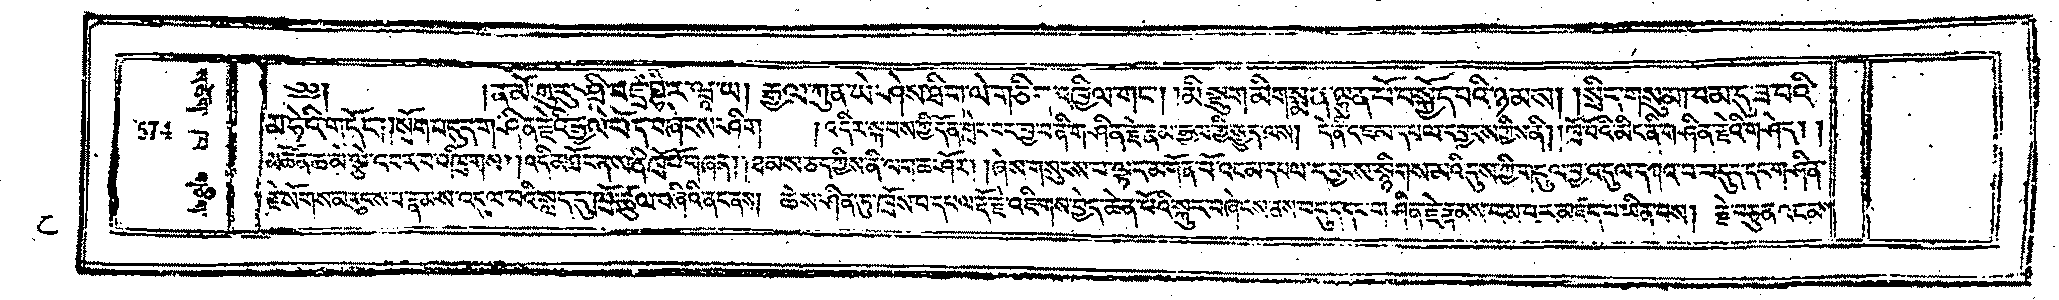༄༅། །ན་མོ་གུ་རུ་ཤྲཱི་བཛྲ་བྷཻ་ར་ཝཱ་ཡ། རྒྱལ་ཀུན་ཡེ་ཤེས་ཐིག་ལེ་གཅིག་འཁྱིལ་གང་། །མི་སྡུག་མིག་སྨན་ལྷུན་པོ་བསྐྱོད་པའི་ཉམས། །སྲིད་གསུམ་ཁམ་དུ་ཟ་བའི་
མ་ཧེའི་གདོང་། །སྲོག་པ་བུད་གཤིན་རྗེའི་རྒྱལ་བོད་བཞེངས་ཤིག །འདིར་སྐབས་ཀྱི་དོན་གླེང་བར་བྱ་བ་ནི་གཤིན་རྗེ་རྣམ་རྒྱལ་གྱི་རྒྱུད་ལས། དེ་ནི་འཇམ་དཔལ་དབྱངས་ཀྱིས་ནི། །ཁྲོ་བོའི་མིང་ནི་གཤིན་རྗེའི་གཤེད། །
མཚོན་ཆ་མེ་ལྕེ་འབར་བ་འཁྲིགས། །འདི་མཐོང་ནས་ནི་ཁྲོ་བོ་གཞན། །ཐམས་ཅད་ཀྱིས་ནི་ལག་ཆ་ཤོར། །ཞེས་གསུངས་པ་ལྟར་མགོན་པོ་འཇམ་དཔལ་དབྱངས་སྙིགས་མའི་དུས་ཀྱི་གདུལ་བྱ་འདུལ་དཀའ་བ་བདུད་དང་གཤིན་
རྗེ་སོགས་མ་རུངས་པ་རྣམས་འདུལ་བའི་སླད་དུ་ཁྲོ་ཚུལ་བཞིའི་ནང་ནས། ཆེས་ཤིན་ཏུ་ཁྲོས་པ་དཔལ་རྡོ་རྗེ་འཇིགས་བྱེད་ཆེན་པའི་སྐུར་བཞེངས་ནས་བདུད་དང་ཤིན་རྗེ་རྣམས་ཕམ་པར་མཛད་པ་ཡིན་པས། རྗེ་བཅུན་འཇམ་